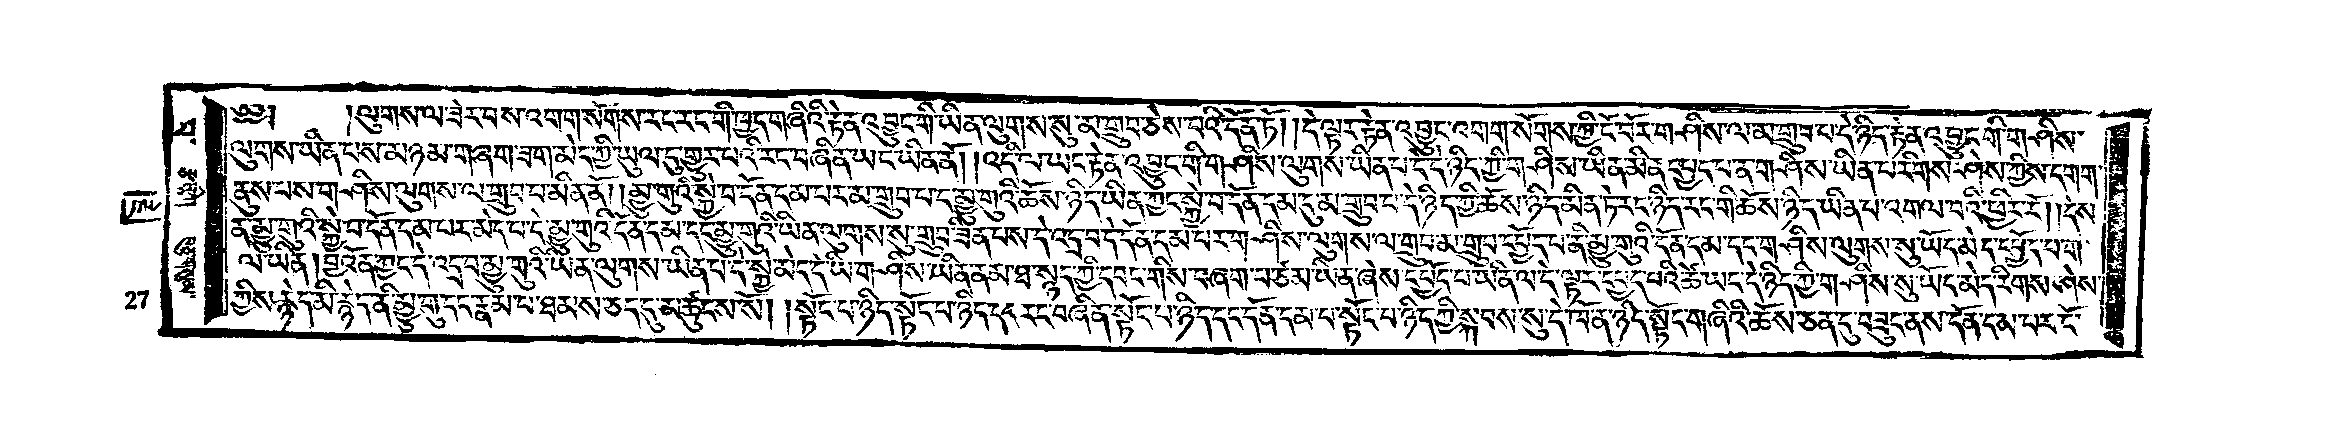༄༅། །ལུགས་ལ་ཟེར་བས་འགག་སོགས་རང་རང་གི་ཁྱད་གཞིའི་རྟེན་འབྱུང་གི་ཡིན་ལུགས་སུམ་གྲུབ་ཅེས་པའི་དོན་ཏོ། །དེ་ལྟར་རྟེན་འབྱུང་འགག་སོགས་ཀྱི་ངོ་བོར་གཤིས་ལ་མ་གྲུབ་པ་དེ་ཉིད་རྟེན་འབྱུང་གི་གཤིས་
ལུགས་ཡིན་པས་མཉམ་གཞག་ཟག་མེད་ཀྱི་ཡུལ་དུ་གྱུར་པའི་རང་བཞིན་ཡང་ཡིན་ནོ། །འདི་ལ་ཡང་རྟེན་འབྱུང་གི་གཤིས་ལུགས་ཡིན་པ་དེ་དེ་ཉིད་ཀྱི་ཤིས་ཡིན་མིན་དཔྱད་པ་ན་གཤིས་ཡིན་པ་རིགས་ཤེས་ཀྱིས་དགག་
ནུས་པས་གཤིས་ལུགས་ལ་གྲུབ་པ་མིན་ནོ། །མྱུ་གུའི་སྐྱེ་བ་དོན་དམ་པར་མ་གྲུབ་པ་དེ་མྱུ་གུའི་ཆོས་ཉིད་ཡིན་ཀྱང་སྐྱེ་བ་དོན་དམ་དུ་མ་གྲུབ་པ་དེ་ཉིད་ཀྱི་ཆོས་ཉིད་མིན་ཏེ་རང་ཉིད་རང་གི་ཆོས་ཉིད་ཡིན་པ་འགལ་བའི་ཕྱིར་རོ། །དེས་
ན་མྱུ་གུའི་སྐྱེ་བ་དོན་དམ་པར་མེད་པ་དེ་མྱུ་གུའི་དོན་དམ་དང་མྱུ་གུའི་ཡིན་ལུགས་སུ་གྲུབ་ཟིན་པས་དེ་འདྲ་བ་དེ་དོན་དམ་པར་གཤིས་ལུགས་ལ་གྲུབ་མ་གྲུབ་དཔྱོད་པ་ནི་མྱུ་གུའི་དོན་དམ་དང་གཤིས་ལུགས་སུ་ཡོད་མེད་དཔྱོད་པ་ག་
ལ་ཡིན། །འོན་ཀྱང་དེ་འདྲ་བ་མྱུ་གུའི་ཡིན་ལུགས་ཡིན་པ་དེ་སྐྱེ་མེད་དེ་ཡི་གཤིས་ཡིན་ནམ་ཐ་སྙད་ཀྱི་དབང་གིས་བཞག་པ་ཙམ་ཡིན་ཞེས་དཔྱོད་པ་ཡིན་ལ་དེ་ལྟར་དཔྱད་པའི་ཚེ་ཡང་དེ་ཉིད་ཀྱི་གཤིས་སུ་ཡོད་མེད་རིགས་ཤེས་
ཀྱིས་རྙེད་མི་རྙེད་ནི་མྱུ་གུ་དང་རྣམ་པ་ཐམས་ཅད་དུ་མཚུངས་སོ། །སྟོང་པ་ཉིད་སྟོང་པ་ཉིད་དང་རང་བཞིན་སྟོང་པ་ཉིད་དང་དོན་དམ་པ་སྟོང་པ་ཉིད་ཀྱི་སྐབས་སུ་དེ་ཁོ་ན་ཉིད་སྟོང་གཞིའི་ཆོས་ཅན་དུ་བཟུང་ནས་དོན་དམ་པར་ངོ་